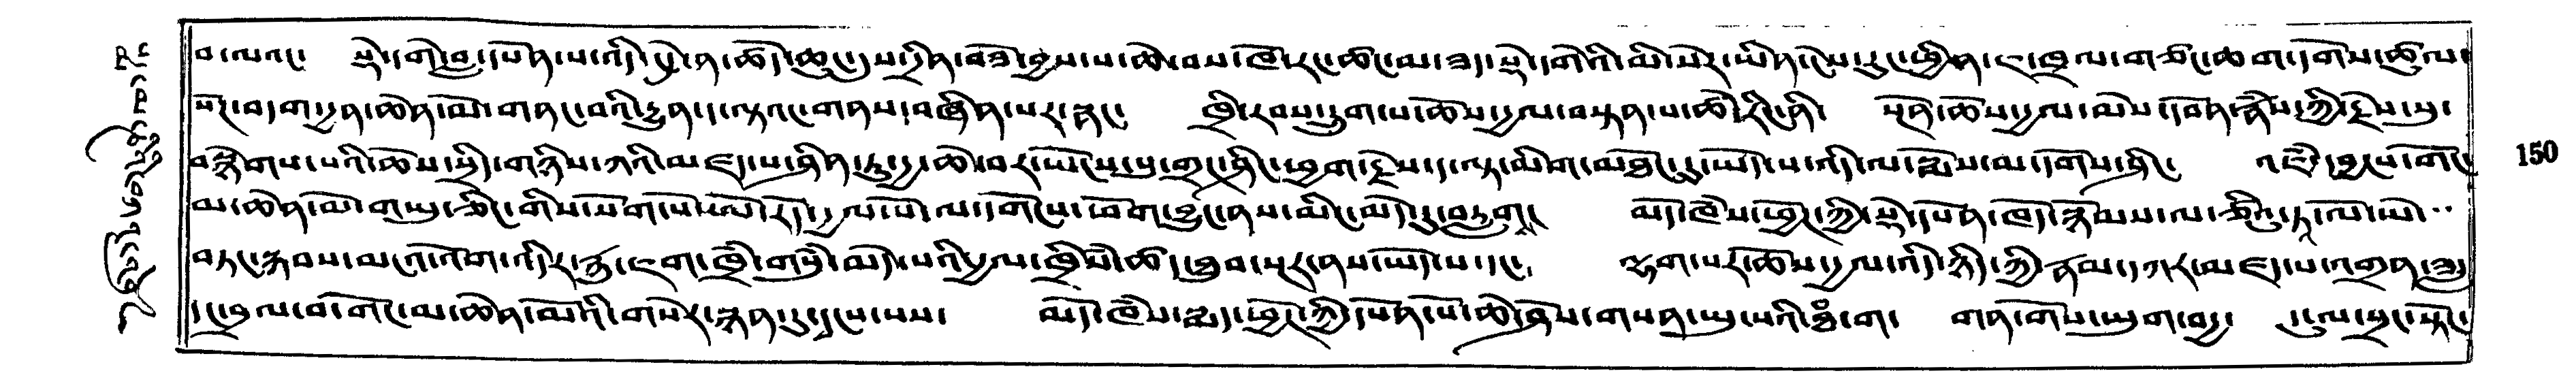བ་ལའང་། སྡེ་དགེ་བླ་དཔོན་འདི་ངེད་ན་ཚོད་ཆུང་དུས་དྲིན་བཟོ་བྱས་པ་ཆེ་བས་ཁོ་རང་ཚང་མ་ཟད་སྡེ་དགེའི་མི་སེར་ཡིན་ངེས་རུང་། ཕྱིན་ཇ་ཁྲལ་གཙང་ཆག་དགོས་ཚུལ་
སོགས་བདག་རྐྱེན་ཆེན་མོ་གནང་བའི་རྒྱུན་ད་ལྟའང་གནས་བཞིན་པར་སྣང་། ཁྲི་རབས་དྲུག་པ་ཆོས་རྒྱལ་བསྟན་པ་ཚེ་རིང་ནི། སྔོན་ཆོས་རྒྱལ་མེས་དབོན་རྣམས་ཀྱི་རྗེས་སུ་
བསྙེགས་པའི་ཆོས་སྲིད་གཉིས་ཀའི་མཛད་པ་ཤིན་ཏུ་རྒྱ་ཆེ་བར་ཡོངས་སུ་གྲགས་ཤིང་ཕྱག་རྗེས་ད་ལྟ་མིག་མཐོང་དུ་ཡོད་པ་འདི་ལ་སྨོས་མ་དགོས་ཤིང་། འཇམ་དབྱངས་གོང་
མ་ཆེན་མོ་གཡུང་ཅིང་གིས་སོག་པོ་ཨོ་རོད་རྒྱལ་པོ་ལ་དགོངས་ཕོག་བྱུང་ནས་མིང་མེད་དུ་བརླགས། མདོ་ཁམས་ཕྱོགས་ཀྱི་སྡེ་དཔོན་ཁོད་སྙོམས་ལ་ཙིའུ་ཏཱ་ལོ་ཡེ་
བཏང་སྐབས་མངའ་འོག་འདིར་རྐུ་ཇག་ཁྲམ་གསུམ་མེད་པའི་རྒྱལ་ཁྲིམས་ཚད་ཐུབ་སྔར་ནས་ཡོད་པ་དང་། ལྷག་པར་ཆོས་རྒྱལ་འདི་ཉིད་ཀྱི་རྣམ་དཀར་མཛད་པ་འགྲན་ཟླ་
དང་བྲལ་བ་གོང་མ་ཆེན་མོའི་གསེར་སྙན་དུ་དྭངས་པས།མདོ་ཁམས་སྨད་ཕྱོགས་ཀྱི་དཔོན་པོ་ཆེ་ཤོས་མཚོན་བྱེད་དུ་གསན་ཡུ་པའི་ཐམ་ག གན་གོས་ཡུག་བརྒྱ། དངུལ་སྲང་སྟོང་